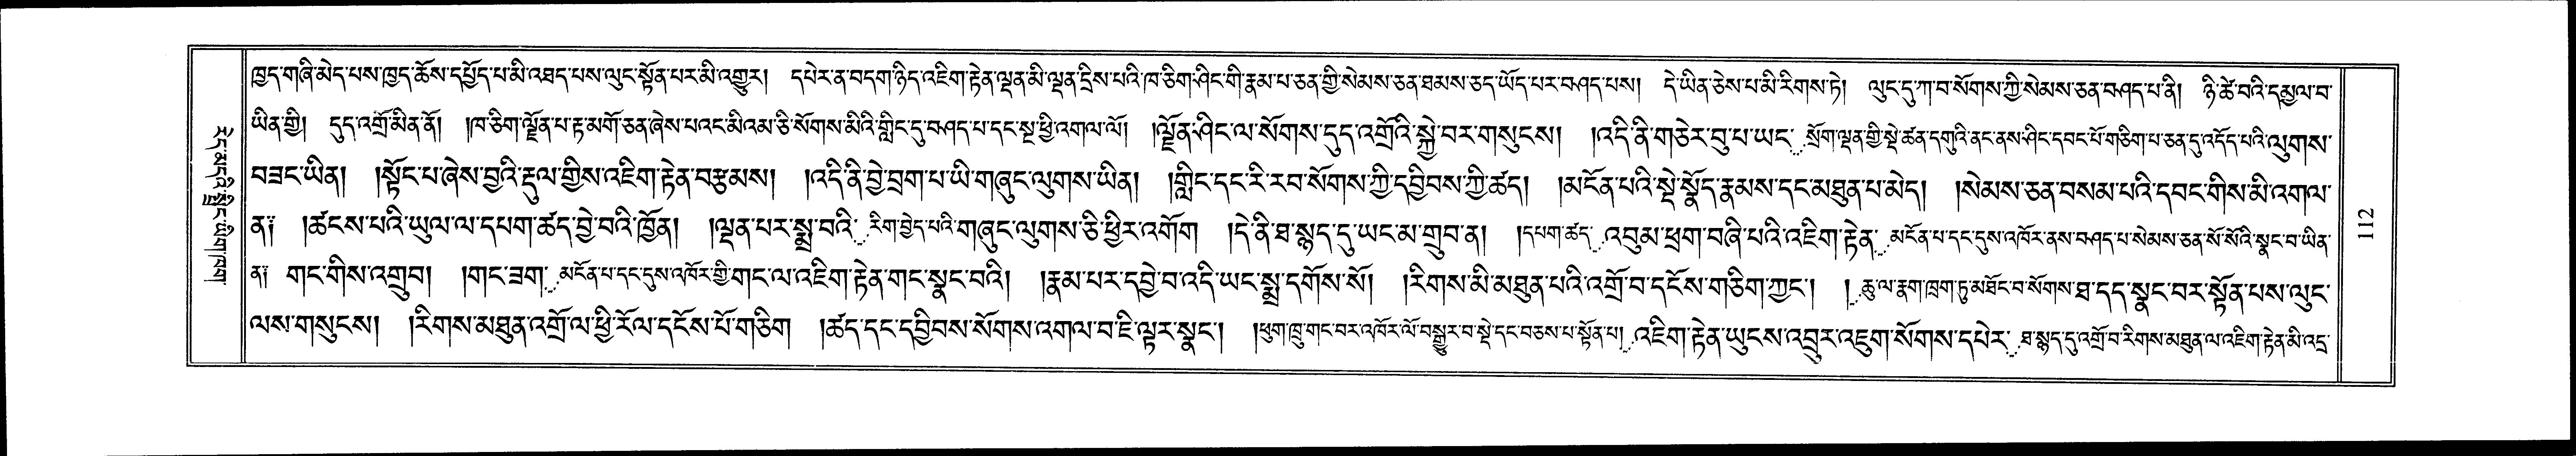ཁྱད་གཞི་མེད་པས་ཁྱད་ཆོས་དཔྱོད་པ་མི་འཐད་པས་ལུང་སྟོན་པར་མི་འགྱུར། དཔེར་ན་བདག་ཉིད་འཇིག་རྟེན་ལྡན་མི་ལྡན་དྲིས་པའི་ཁ་ཅིག་ཤིང་གི་རྣམ་པ་ཅན་གྱི་སེམས་ཅན་ཐམས་ཅད་ཡོད་པར་བཤད་པས། དེ་ཡིན་ཅེས་པ་མི་རིགས་ཏེ། ལུང་དུ་ཀ་བ་སོགས་ཀྱི་སེམས་ཅན་བཤད་པ་ནི། ཉི་ཚེ་བའི་དམྱལ་བ་
ཡིན་གྱི། །དུད་འགྲོ་མིན་ནོ། །ཁ་ཅིག་ལྗོན་པ་རྟ་མགོ་ཅན་ཞེས་པའང་མིའམ་ཅི་སོགས་མིའི་གླིང་དུ་བཤད་པ་དང་སྔ་ཕྱི་འགལ་ལོ། །ལྗོན་ཤིང་ལ་སོགས་དུད་འགྲོའི་སྐྱེ་བར་གསུངས། །འདི་ནི་གཅེར་བུ་པ་ཡང་སྲོག་ལྡན་གྱི་སྡེ་ཚན་དགུའི་ནང་ནས་ཤིང་དབང་པོ་གཅིག་པ་ཅན་དུ་འདོད་པའི་ལུགས་
བཟང་ཡིན། །སྟོང་པ་ཞེས་བྱའི་རྡུལ་གྱིས་འཇིག་རྟེན་བརྩམས། །འདི་ནི་བྱེ་བྲག་པ་ཡི་གཞུང་ལུགས་ཡིན། །གླིང་དང་རི་རབ་སོགས་ཀྱི་དབྱིབས་ཀྱི་ཚད། །མངོན་པའི་སྡེ་སྣོད་རྣམས་དང་མཐུན་པ་མེད། །སེམས་ཅན་བསམ་པའི་དབང་གིས་མི་འགལ་
ན། །ཚངས་པའི་ཡུལ་ལ་དཔག་ཚད་བྱེ་བའི་ཁྱོན། །ལྡན་པར་སྨྲ་བའི་རིག་བྱེད་པའི་གཞུང་ལུགས་ཅི་ཕྱིར་འགོག །དེ་ནི་ཐ་སྙད་དུ་ཡང་མ་གྲུབ་ན། །དཔག་ཚད་འབུམ་ཕྲག་བཞི་པའི་འཇིག་རྟེན་མངོན་པ་དང་དུས་འཁོར་ནས་བཤད་པ་སེམས་ཅན་སོ་སོའི་སྣང་བ་ཡིན་
ན། གང་གིས་འགྲུབ། །གང་ཟག་མངོན་པ་དང་དུས་འཁོར་གྱི་གང་ལ་འཇིག་རྟེན་གང་སྣང་བའི། །རྣམ་པར་དབྱེ་བ་འདི་ཡང་སྨྲ་དགོས་སོ། །རིགས་མི་མཐུན་པའི་འགྲོ་བ་དངོས་གཅིག་ཀྱང་། །ཆུ་ལ་རྣག་ཁྲག་ཏུ་མཐོང་བ་སོགས་ཐ་དད་སྣང་བར་སྟོན་པས་ལུང་
ལས་གསུངས། །རིགས་མཐུན་འགྲོ་ལ་ཕྱི་རོལ་དངོས་པོ་གཅིག །ཚད་དང་དབྱིབས་སོགས་འགལ་བ་ཇི་ལྟར་སྣང་། །ཕུག་ཁྲུ་གང་བར་འཁོར་ལོ་བསྒྱུར་བ་སྡེ་དང་བཅས་པ་སྟོན་པ། འཇིག་རྟེན་ཡུངས་འབྲུར་འཇུག་སོགས་དཔེར་ཐ་སྙད་དུ་འགྲོ་བ་རིགས་མཐུན་ལ་འཇིག་རྟེན་མི་འདྲ་